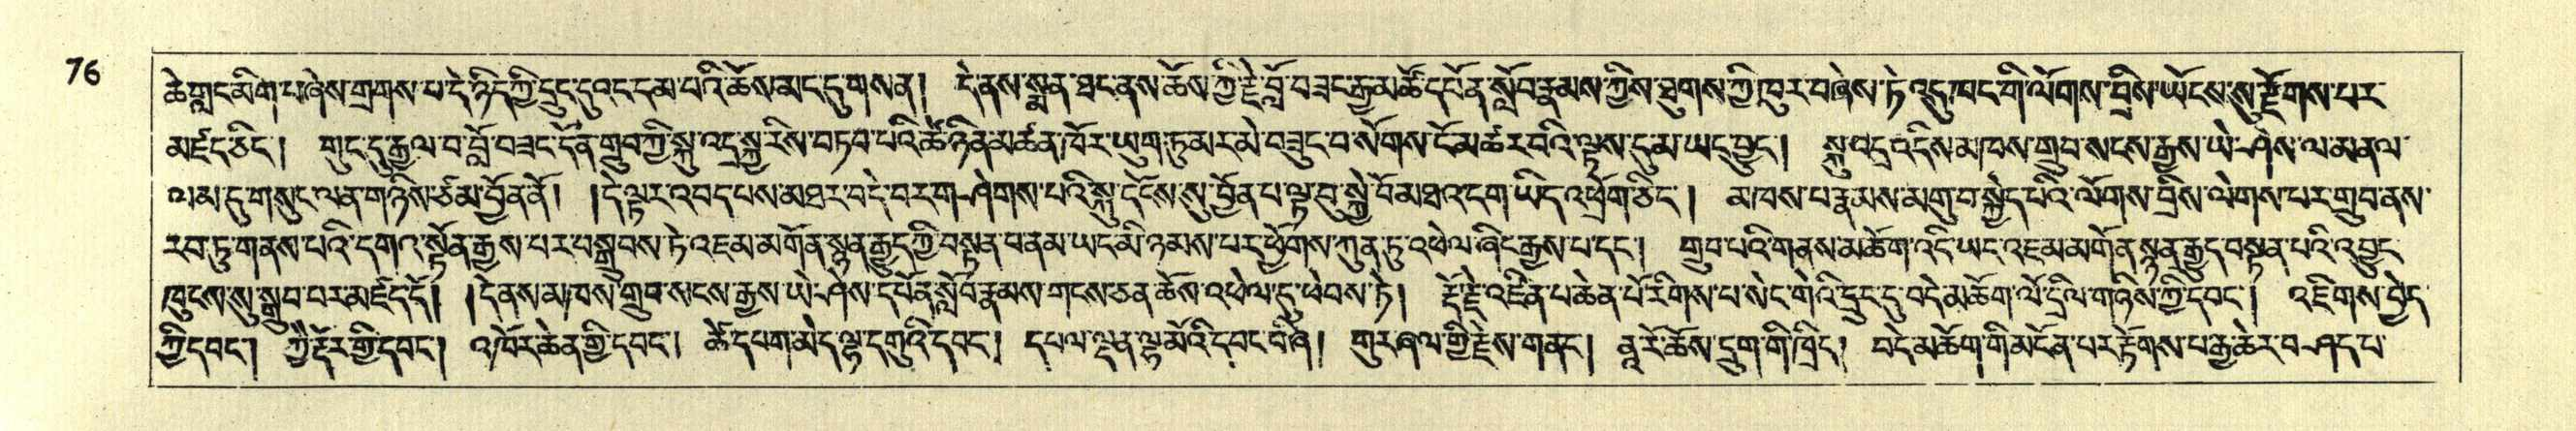ཆེ་གླང་མིག་པ་ཞེས་གྲགས་པ་དེ་ཉིད་ཀྱི་དྲུང་དུའང་དམ་པའི་ཆོས་མང་དུ་གསན། དེ་ནས་སྨན་ཐང་ནས་ཆོས་ཀྱི་རྗེ་བློ་བཟང་རྒྱ་མཚོ་དཔོན་སློབ་རྣམས་ཀྱིས་ཐུགས་ཀྱི་ཁུར་བཞེས་ཏེ་འདུ་ཁང་གི་ལོགས་བྲིས་ཡོངས་སུ་རྫོགས་པར་
མཛད་ཅིང་། གུང་དུ་རྒྱལ་བ་བློ་བཟང་དོན་གྲུབ་ཀྱི་སྐུ་འདྲ་སྐྱ་རིས་བཏབ་པའི་ཚེ་ཉིན་མཚན་ཁོར་ཡུག་ཏུ་མར་མེ་བཟུང་བ་སོགས་ངོ་མཚར་བའི་ལྟས་དུ་མ་ཡང་བྱུང་། སྐུ་འདྲ་འདིས་མཁས་གྲུབ་སངས་རྒྱས་ཡེ་ཤེས་ལ་མནལ་
ལམ་དུ་གསུང་ལན་གཉིས་ཙམ་བྱོན་ནོ། །དེ་ལྟར་འབད་པས་མཐར་བདེ་བར་གཤེགས་པའི་སྐུ་དངོས་སུ་བྱོན་པ་ལྟ་བུ་སྐྱེ་བོ་མཐའ་དག་ཡིད་འཕྲོག་ཅིང་། མཁས་པ་རྣམས་མགུ་བ་སྐྱེད་པའི་ལོགས་བྲིས་ལེགས་པར་གྲུབ་ནས་
རབ་ཏུ་གནས་པའི་དགའ་སྟོན་རྒྱས་པར་བསྒྲུབས་ཏེ་འཇམ་མགོན་སྙན་རྒྱུད་ཀྱི་བསྟན་པ་ནམ་ཡང་མི་ཉམས་པར་ཕྱོགས་ཀུན་ཏུ་འཕེལ་ཞིང་རྒྱས་པ་དང་། གྲུབ་པའི་གནས་མཆོག་འདི་ཡང་འཇམ་མགོན་སྙན་རྒྱུད་བསྟན་པའི་འབྱུང་
ཁུངས་སུ་སྒྲུབ་པར་མཛད་དོ། །དེ་ནས་མཁས་གྲུབ་སངས་རྒྱས་ཡེ་ཤེས་དཔོན་སློབ་རྣམས་གངས་ཅན་ཆོས་འཕེལ་དུ་ཕེབས་ཏེ། རྡོ་རྗེ་འཛིན་པ་ཆེན་པོ་རིགས་པ་སེང་གེའི་དྲུང་དུ་བདེ་མཆོག་ལོ་དྲིལ་གཉིས་ཀྱི་དབང་། འཇིགས་བྱེད་
ཀྱི་དབང་། ཀྱཻ་རྡོར་གྱི་དབང་། འཁོར་ཆེན་གྱི་དབང་། ཚེ་དཔག་མེད་ལྷ་དགུའི་དབང་། དཔལ་ལྡན་ལྷ་མོའི་དབང་བཞི། གུར་ཞལ་གྱི་རྗེས་གནང་། ནཱ་རོ་ཆོས་དྲུག་གི་ཁྲིད། བདེ་མཆོག་གི་མངོན་པར་རྟོགས་པ་རྒྱ་ཆེར་བཤད་པ་